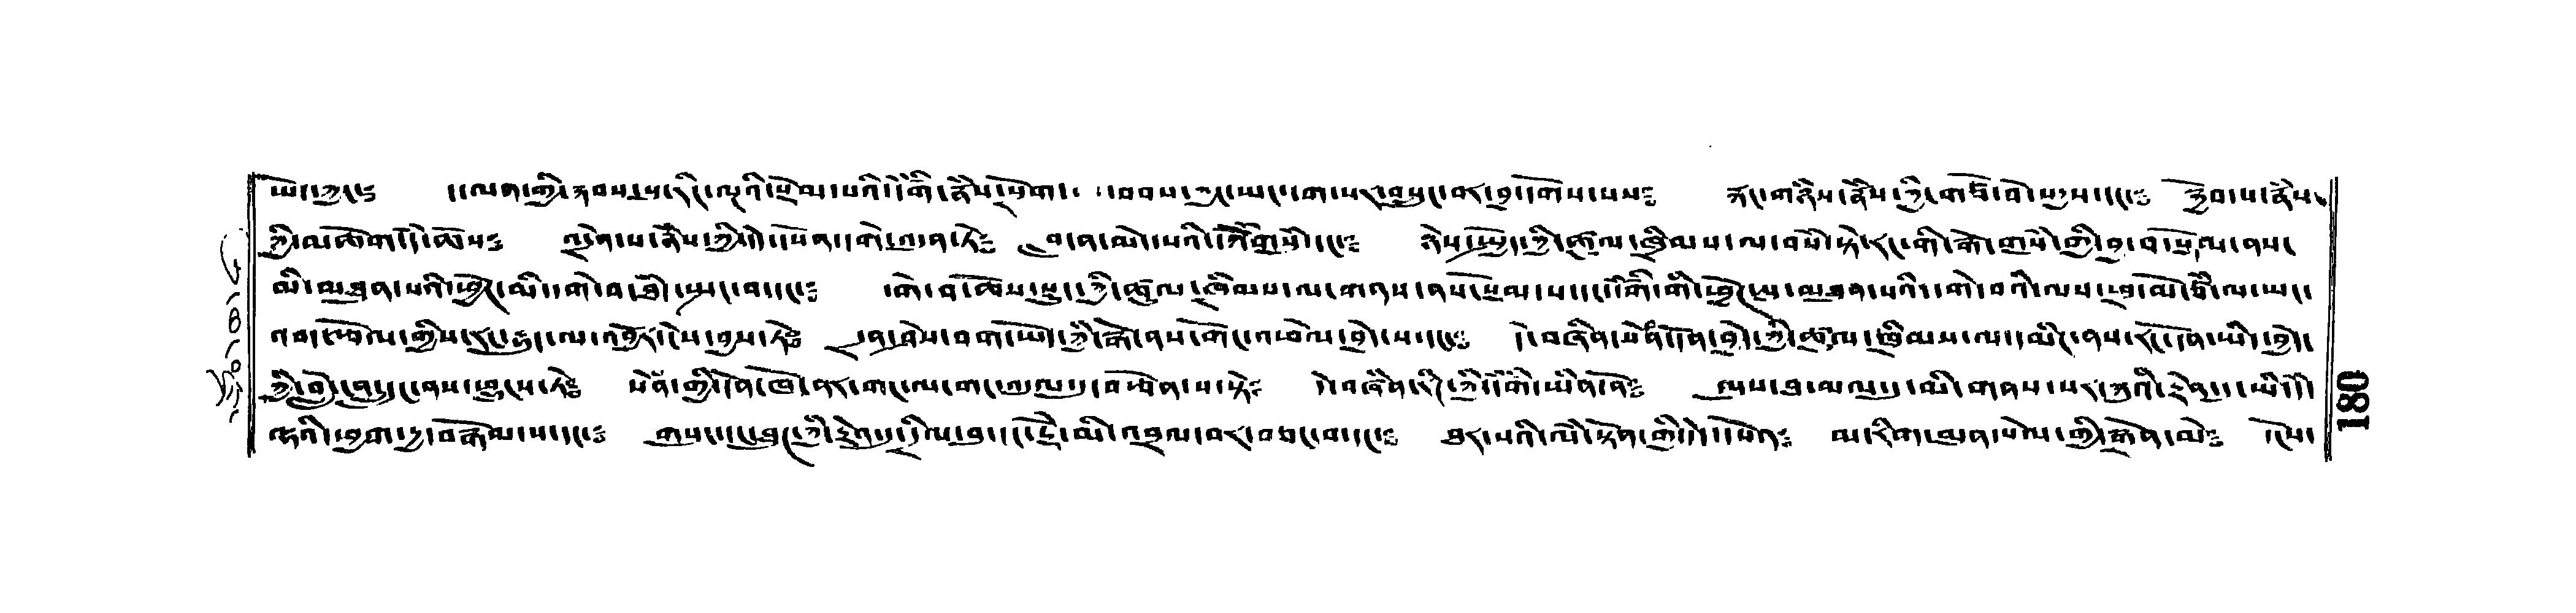ཡོད་ཀྱང༔ ད་ལན་གྱི་སྐབས་སུ་རིགས་ལྔའི་སྡོམ་པའི་དམ་ཚིག་རྣམས་སྲོག་ལ་བབས་ཀྱང་ཡང་དག་པར་བསྲུང་བར་བྱ་དགོས་པས༔ རྐང་གཉིས་རྣམས་ཀྱི་གཙོ་བོ་སངས་རྒྱས་དང༔ སྐྱོབ་པ་རྣམས་
ཀྱི་མཆོག་དམ་ཆོས༔ འདྲེན་པ་རྣམས་ཀྱི་དེད་དཔོན་དགེ་འདུན་ཏེ༔ བླ་ན་མེད་པའི་དཀོན་མཆོག་གསུམ་དང༔ ཉེས་སྤྱོད་ཀྱི་ཚུལ་ཁྲིམས་ལ་བསམ་སྟེ་རང་གི་སྒོ་གསུམ་གྱི་བྱ་བ་སྡོམ་ནས་
མི་མཐུན་པའི་ཕྱོགས་མི་དགེ་བ་ཐམས་ཅད་སྤང་བ་དང༔ དགེ་བ་ཆོས་སྡུད་ཀྱི་ཚུལ་ཁྲིམས་ལ་གནས་ནས་སྡོམ་པ་དང་དམ་ཚིག་གི་ཕྱོགས་སུ་མཐུན་པའི་དགེ་བའི་ལས་ཕྲ་མོ་ཙམ་ལ་ཡང་
འབད་རྩོལ་གྱིས་རང་རྒྱུད་ལ་འབྱོར་ངེས་བྱས་ཏེ༔ དྲན་ཤེས་བག་ཡོད་ཀྱི་སྒོ་ནས་གོང་འཕེལ་བྱེད་པ་དང༔ དེ་བཞིན་སེམས་ཅན་དོན་བྱེད་ཀྱི་ཚུལ་ཁྲིམས་ལ་དམིགས་ནས་རང་དོན་ཡིད་བྱེད་
ཀྱི་བློ་ངན་དྲུང་ནས་ཕྱུངས་ཏེ༔ སེམས་ཅན་གྱི་དོན་ཁོ་ནར་གང་ལ་གང་འདུལ་དུ་བརྩོན་པ་སྟེ༔ དེ་བཞིན་རིགས་ཀྱི་དམ་ཚིག་ཡིན་ནོ༔ ལུས་ཐ་མལ་དུ་མི་གནས་པར་སྐུའི་རྟེན་དུ་ཡི་དམ་
ལྷའི་ཕྱག་རྒྱ་བསྒོམ་པ་དང་ཿ གསུང་དང་ཐུགས་ཀྱི་རྟེན་དུ་དྲིལ་བུ་དང་རྡོ་རྗེ་མི་འབྲལ་བར་བཅང་བ་དང༔ ཐར་པའི་ལམ་སྟོན་གྱི་དེད་དཔོན༔ མ་རིག་མུན་སེལ་གྱི་སྒྲོན་མེ༔ དངོས་